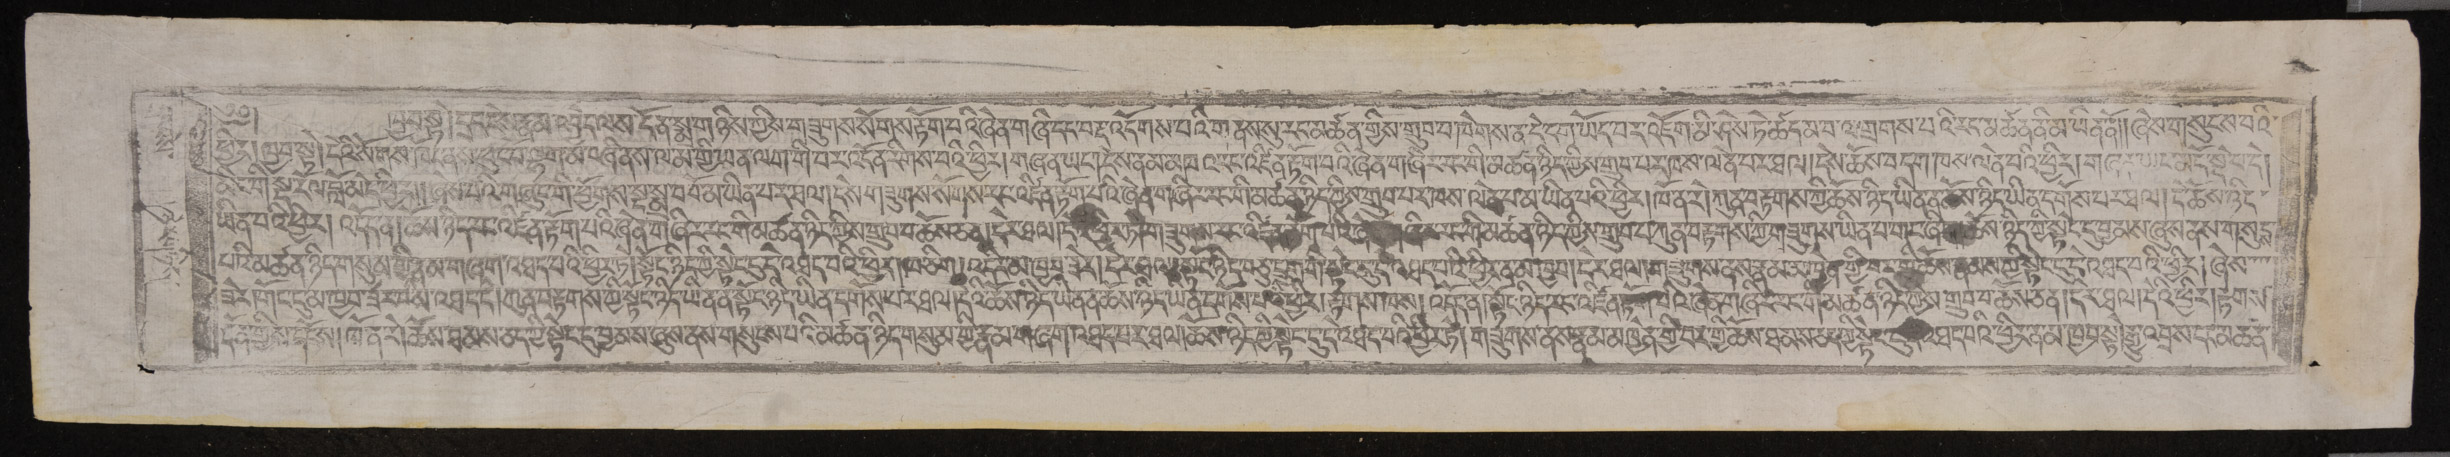༄༅། །ཁྱབ་སྟེ། དྲང་ངེས་རྣམ་འབྱེད་ལས་དོན་སྨྲ་གཉིས་ཀྱིས་གཟུགས་སོགས་རྟོག་པའི་ཞེན་གཞི་དང་བརྡ་འདོགས་པའི་གནས་སུ་རང་མཚན་གྱིས་གྲུབ་པ་ཁེགས་ན་དེ་དག་ཡོད་པར་འཇོག་མི་ཤེས་ཏེ་ཚད་མ་བ་ལ་གྲགས་པའི་རང་མཚན་ནི་མ་ཡིན་ནོ། །ཞེས་གསུངས་པའི་
ཕྱིར། ཁྱབ་སྟེ། དེའི་སོགས་ཁོང་ནས་ཕུང་པོ་ལྷག་མ་བཞི་ནས་ལམ་གྱི་ཡན་ལག་གི་བར་འདོན་རིགས་པའི་ཕྱིར། གཞན་ཡང་། དེས་ནམ་མཁའ་རང་འཛིན་རྟོག་པའི་ཞེན་གཞིར་རང་གི་མཚན་ཉིད་ཀྱིས་གྲུབ་པར་ཁས་ལེན་པར་ཐལ། དེས་ཆོས་བདག་ཁས་ལེན་པའི་ཕྱིར། གཞན་ཡང་མདོ་སྡེ་པ་དེ།
མིང་གི་སྔ་རོལ་བློ་མེད་ཕྱིར། །ཞེས་བའི་གཞུང་གི་ཕྱོགས་སྔ་སྨྲ་བ་པོ་མ་ཡིན་པར་ཐལ། དེས་གཟུགས་སོགས་རང་འཛིན་རྟོག་པའི་ཞེན་གཞིར་རང་གི་མཚན་ཉིད་ཀྱིས་གྲུབ་པར་ཁས་ལེན་པ་མ་ཡིན་པའི་ཕྱིར། ཁོ་ན་རེ། ཀུན་བརྟགས་ཀྱི་ཆོས་ཉིད་ཡིན་ན་ཆོས་ཉིད་ཡིན་དགོས་པར་ཐལ། དེ་ཆོས་ཉིད་
ཡིན་པའི་ཕྱིར། འདོད་ན། ཆོས་ཉིད་རང་འཛིན་རྟོག་པའི་ཞེན་གཞིར་རང་གི་མཚན་ཉིད་ཀྱིས་གྲུབ་པ་ཆོས་ཅན། དེར་ཐལ། དེའི་ཕྱིར་ཏེ། གཟུགས་རང་འཛིན་རྟོག་པའི་ཞེན་གཞིར་རང་གི་མཚན་ཉིད་ཀྱིས་གྲུབ་པ་ཀུན་བརྟགས་ཀྱི་གཟུགས་ཡིན་པ་གང་ཞིག །ཆོས་ཉིད་ཀྱི་སྟེང་དུ་བྱམས་ཞུས་ནས་གསུངས་
པའི་མཚན་ཉིད་གསུམ་གྱི་རྣམ་གཞག་འཐད་པའི་ཕྱིར་ཏེ། སྟོང་ཉིད་ཀྱི་སྟེང་དུ་དེ་འཐད་པའི་ཕྱིར། ཁ་ཅིག །འདིར་མ་ཁྱབ་ཟེར། དེར་ཐལ། སྟོང་ཉིད་བཅུ་དྲུག་གི་སྟེང་དུ་དེ་འཐད་པའི་ཕྱིར་ན་མ་ཁྱབ། དེར་ཐལ། གཟུགས་ནས་རྣམ་མཁྱེན་གྱི་བར་གྱི་ཆོས་རྣམས་ཀྱི་སྟེང་དུ་དེ་འཐད་པའི་ཕྱིར། ཞེས་
ཟེར། གོང་དུ་མ་ཁྱབ་ཟེར་བ་མི་འཐད་དེ། ཀུན་བརྟགས་ཀྱི་སྟོང་ཉིད་ཡིན་ན་སྟོང་ཉིད་ཡིན་དགོས་པར་ཐལ། དེའི་ཆོས་ཉིད་ཡིན་ན་ཆོས་ཉིད་ཡིན་དགོས་པའི་ཕྱིར། རྟགས་ཁས། འདོད་ན། སྟོང་ཉིད་རང་འཛིན་རྟོག་པའི་ཞེན་གཞིར་རང་གི་མཚན་ཉིད་ཀྱིས་གྲུབ་པ་ཆོས་ཅན། དེར་ཐལ། དེའི་ཕྱིར། རྟགས་
དོན་གྱིས་དངོས། ཁོ་ན་རེ། ཆོས་ཐམས་ཅད་ཀྱི་སྟེང་དུ་བྱམས་ཞུས་ནས་གསུངས་པའི་མཚན་ཉིད་གསུམ་གྱི་རྣམ་གཞག་འཐད་པར་ཐལ། ཆོས་ཉིད་ཀྱི་སྟེང་དུ་དེ་འཐད་པའི་ཕྱིར་ཏེ། གཟུགས་ནས་རྣམ་མཁྱེན་གྱི་བར་གྱི་ཆོས་ཐམས་ཅད་ཀྱི་སྟེང་དུ་དེ་འཐད་པའི་ཕྱིར་ན་མ་ཁྱབ་སྟེ། རྒྱུ་འབྲས་དང་མཚན་